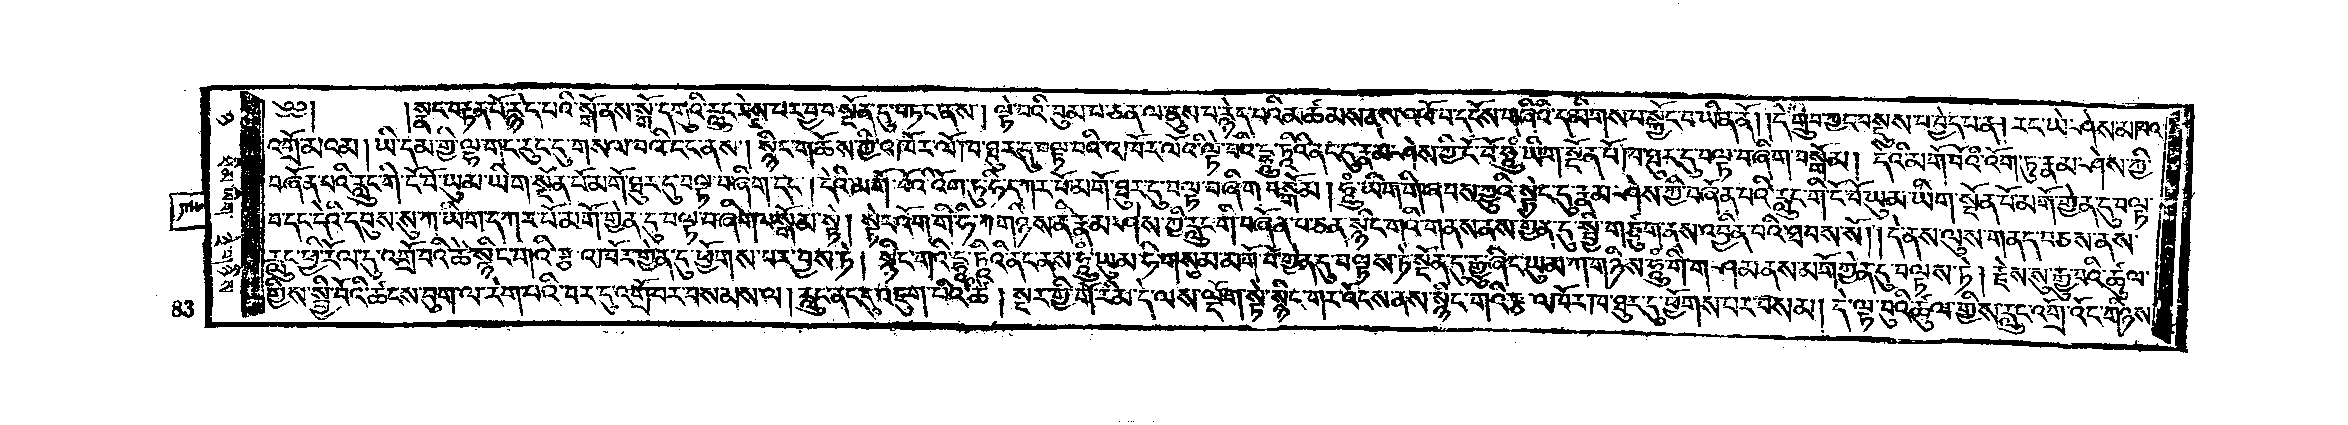༄༅། །སྣང་བརྟན་པོ་རྙེད་པའི་སྒོ་ནས་སྒོ་དགུའི་རླུང་རེ་སངས་?་པར་བྱ་བ་སྔོན་དུ་བཏང་ནས། ལྟེ་བའི་བུམ་པ་ཅན་ལ་ནུས་པ་རྙེད་པའི་མཚམས་ནས་འཕོ་བ་དངོས་གཞིའི་དམིགས་པ་སྐྱོང་བ་ཡིན་ནོ། །དེ་མ་གྲུབ་ཀྱང་བསྡུས་པ་བྱེད་པ་ན། རང་ཡེ་ཤེས་མཁའ་
འགྲོ་མའམ། ཡི་དམ་གྱི་ལྷ་གང་རུང་དུ་གསལ་བའི་ངང་ནས། སྙིང་ག་ཆོས་ཀྱི་འཁོར་ལོ་ཁ་ཐུར་དུ་བལྟ་བའི་འཁོར་ལོའི་ལྟེ་བའི་དྷཱུ་ཏཱིའི་ནང་དུ་རྣམ་ཤེས་ཀྱི་ངོ་བོ་ཧཱུཾ་ཡིག་སྔོན་པོ་ཁ་ཐུར་དུ་བལྟ་བ་ཞིག་བསྒོམ། དེའི་མགོ་བོའི་འོག་ཏུ་རྣམ་ཤེས་ཀྱི་
བཞོན་པའི་རླུང་གི་ངོ་བོ་ཡུམ་ཡིག་སྔོན་པོ་མགོ་ཐུར་དུ་བལྟ་བ་ཞིག་དང་། དེའི་མགོ་བོའི་འོག་ཏུ་ཧི་དཀར་པོ་མགོ་ཐུར་དུ་བལྟ་བ་ཞིག་བསྒོམ། ཧཱུཾ་ཡིག་གི་ཞབས་ཀྱུའི་སྟེང་དུ་རྣམ་ཤེས་ཀྱི་བཞོན་པའི་རླུང་གི་ངོ་བོ་ཡུམ་ཡིག་སྔོན་པོ་མགོ་གྱེན་དུ་བལྟ་
བ་དང་དེའི་དབུས་སུ་ཀ་ཡི་ག་དཀར་པོ་མགོ་གྱེན་དུ་བལྟ་བ་ཞིག་བསྒོམ་སྟེ། སྟེང་འོག་གི་ཧི་ཀ་གཉིས་ནི་རྣམ་ཤེས་ཀྱི་རླུང་གི་བཞོན་པ་ཅན་སྙིང་གའི་གནས་ནས་གྱེན་དུ་སྤྱི་གཙུག་ནས་འབྱིན་པའི་ཐབས་སོ། །དེ་ནས་ལུས་གནད་བཅས་ནས་
རླུང་ཕྱི་རོལ་དུ་འགྲོ་བའི་ཚེ་སྙིང་གའི་རྩ་འཁོར་གྱེན་དུ་ཕྱོགས་པར་བྱས་ཏེ། སྙིང་གའི་དྷཱུ་ཏཱིའི་ནང་ནས་ཧཱུཾ་ཡུམ་ཧི་གསུམ་མགོ་བོ་གྱེན་དུ་བལྟས་ཏེ་སྔོན་དུ་རྒྱུ་ཞིང་ཡུམ་ཀ་གཉིས་ཧཱུཾ་གི་གཤམ་ནས་མགོ་གྱེན་དུ་བལྟས་ཏེ། རྗེས་སུ་རྒྱུ་བའི་ཚུལ་
གྱིས་སྤྱི་བོའི་ཚངས་བུག་ལ་རེག་པའི་བར་དུ་འགྲོ་བར་བསམས་ལ། རླུང་ནང་དུ་འཇུག་པའི་ཚེ། སྔར་གྱི་གོ་རིམ་དེ་ལས་ལྡོག་སྟེ་སྙིང་གར་འོངས་ནས་སྙིང་གའི་རྩ་འཁོར་ཁ་ཐུར་དུ་ཕྱོགས་པར་བསམ། དེ་ལྟ་བུའི་ཚུལ་གྱིས་རླུང་འགྲོ་འོང་གཉིས་